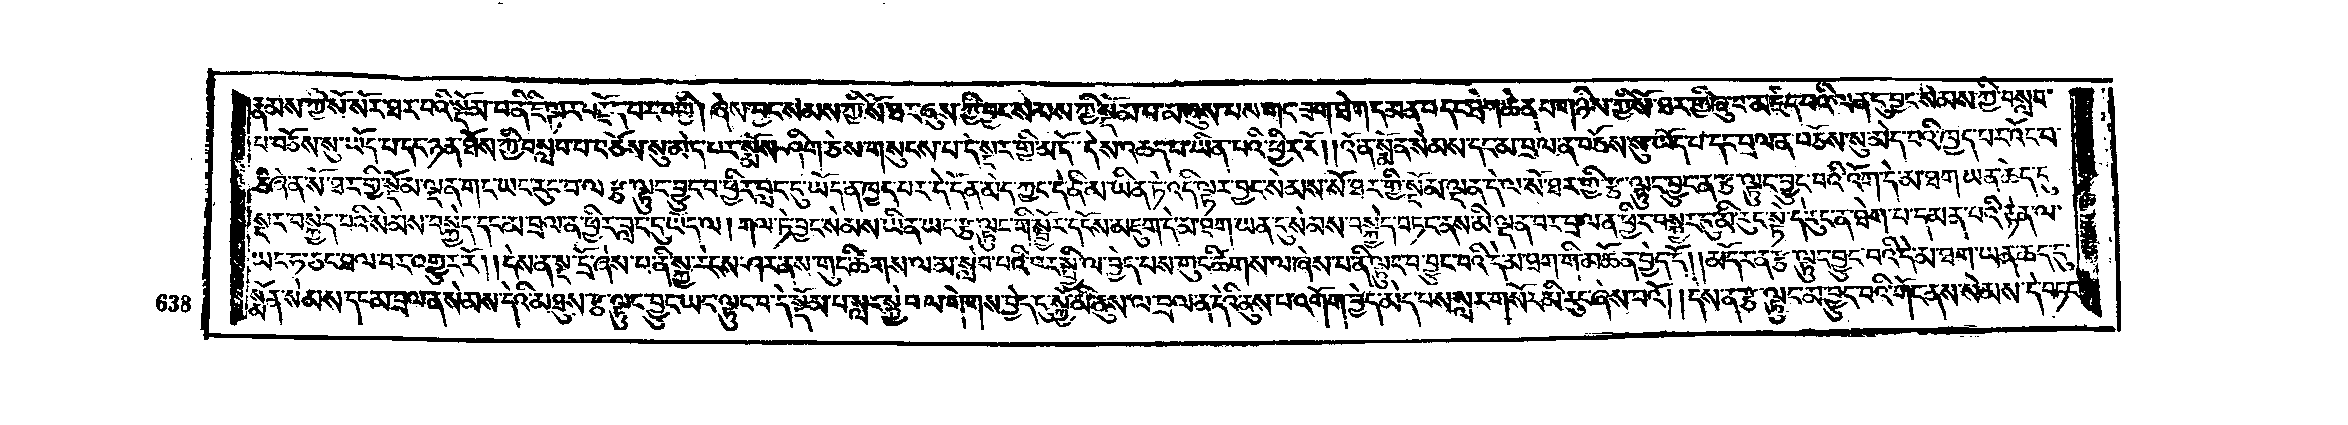རྣམས་ཀྱི་སོ་སོར་ཐར་པའི་སྡོམ་པ་ནི་ཇི་ལྟར་བརྗོད་པར་བགྱི། ཞེས་བྱང་སེམས་ཀྱི་སོ་ཐར་ཞུས་ཀྱི་བྱང་སེམས་ཀྱི་སྡོམ་པ་མ་ཞུས་པས་གང་ཟག་ཐེག་དམན་པ་དང་ཐེག་ཆེན་པ་གཉིས་ཀྱི་སོ་ཐར་གྱི་ཞུ་བ་མཛད་པའི་ལན་དུ་བྱང་སེམས་ཀྱི་བསླབ་
པ་བཅོས་སུ་ཡོད་པ་དང་ཉན་ཐོས་ཀྱི་བསླབ་པ་བཅོས་སུ་མེད་པར་སྨོས་ཤིག་ཅེས་གསུངས་པ་དེ་སྔར་གྱི་མདོ་དེས་འཆད་པ་ཡིན་པའི་ཕྱིར་རོ། །འོ་ན་སྨོན་སེམས་དང་མ་བྲལ་ན་བཅོས་སུ་ཡོད་པ་དང་བྲལ་ན་བཅོས་སུ་མེད་པའི་ཁྱད་པར་འོང་བ་
ཅི་ཞེ་ན་སོ་ཐར་གྱི་སྡོམ་ལྡན་གང་ཡང་རུང་བ་ལ་རྩ་ལྟུང་བྱུང་བ་ཕྱིར་བླང་དུ་ཡོད་ན་ཁྱད་པར་དེ་དོན་མེད་ཀྱང་དེ་ནི་མ་ཡིན་ཏེ་འདི་ལྟར་བྱང་སེམས་སོ་ཐར་གྱི་སྡོམ་ལྡན་དེ་ལ་སོ་ཐར་གྱི་རྩ་ལྟུང་བྱུང་ན་རྩ་ལྟུང་བྱུང་བའི་འོག་དེ་མ་ཐག་ཡན་ཆེད་དུ་
སྔར་བསྐྱེད་པའི་སེམས་བསྐྱེད་དང་མ་བྲལ་ན་ཕྱིར་བླང་དུ་ཡོད་ལ། གལ་ཏེ་བྱང་སེམས་ཡིན་ཡང་རྩ་ལྟུང་གི་སྦྱོར་དངོས་མཇུག་དེ་མ་ཐག་ཡན་དུ་སེམས་བསྐྱེད་བཏང་ནས་མི་ལྡན་པར་བྲལ་ན་ཕྱིར་བསྐྱར་དུ་མི་རུང་སྟེ་དེ་རུང་ན་ཐེག་པ་དམན་པའི་རྟེན་ལ་
ཡང་ཧ་ཅང་ཐལ་བར་འགྱུར་རོ། །དེས་ན་སྔ་དྲོ་ཞེས་པ་ནི་སྐྱ་རེངས་ཤར་ནས་གུང་ཚིགས་ལ་མ་སླེབ་པའི་བར་སྤྱི་ལ་བྱེད་པས་གུང་ཚིགས་ལ་ཞེས་པ་ནི་ལྟུང་བ་བྱུང་བའི་དེ་མ་ཐག་གི་མཚོན་བྱེད་དོ། །མདོར་ན་རྩ་ལྟུང་བྱུང་བའི་དེ་མ་ཐག་ཡན་ཆད་དུ་
སྨོན་སེམས་དང་མ་བྲལ་ན་སེམས་དེའི་མཐུས་རྩ་ལྟུང་བྱུང་ཡང་ལྟུང་བ་དེ་སྡོམ་པ་སླར་སྐྱེ་བ་ལ་གེགས་བྱེད་དུ་སྐྱོ་མི་ནུས་ལ་བྲལ་ན་དེའི་ནུས་པ་འགོག་བྱེད་མེད་པས་སླར་གསོར་མི་རུང་ཞེས་པའོ། །དེས་ན་རྩ་ལྟུང་མ་བྱུང་བའི་གོང་ནས་སེམས་དེ་བཏང་